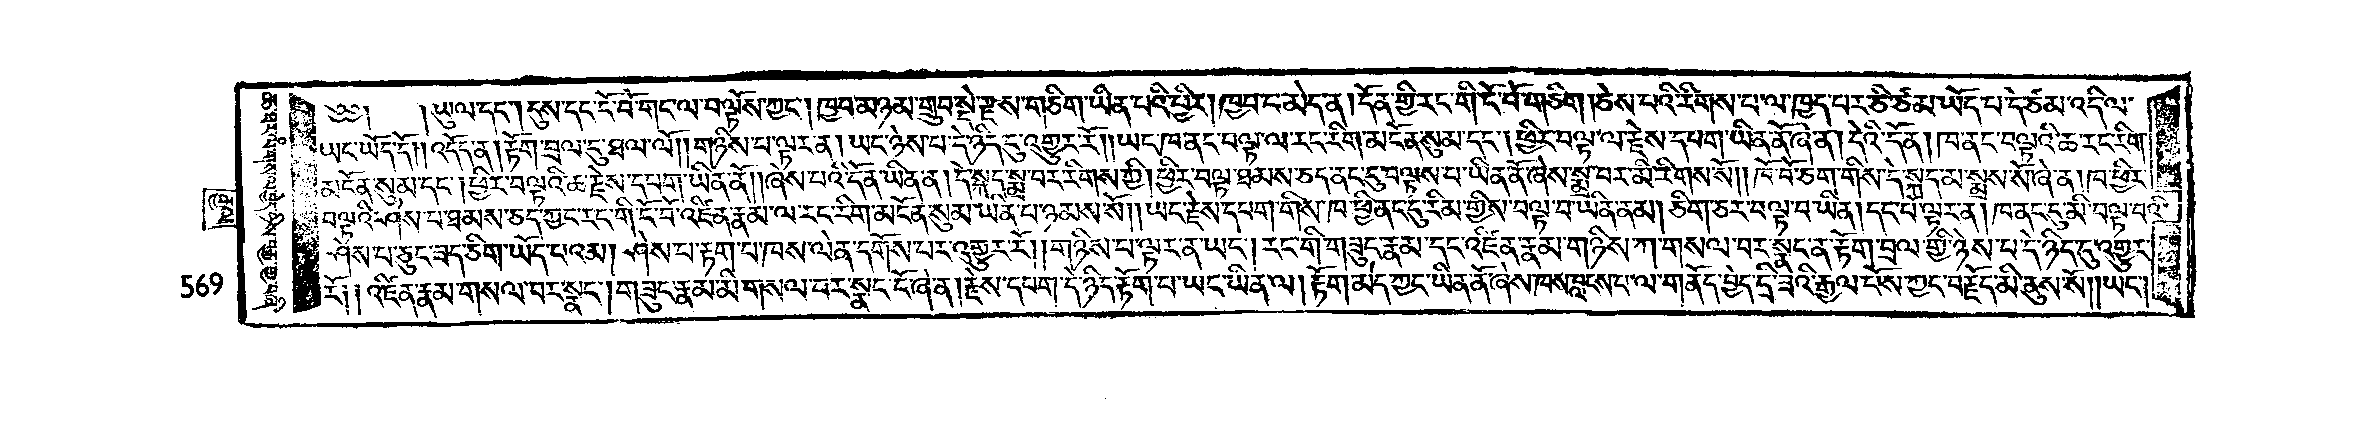༄༅། །ཡུལ་དང་། དུས་དང་ངོ་བོ་གང་ལ་བལྟོས་ཀྱང་། ཁྱབ་མཉམ་གྲུབ་སྡེ་རྫས་གཅིག་ཡིན་པའི་ཕྱིར། ཁྱབ་པ་མེད་ན། དོན་གྱི་རང་གི་ངོ་བོ་གཅིག། ཅེས་པའི་རིགས་པ་ལ་ཁྱད་པར་ཅི་ཙམ་ཡོད་པ་དེ་ཙམ་འདི་ལ་
ཡང་ཡོད་དོ། །འདོད་ན། རྟོག་བྲལ་དུ་ཐལ་ལོ། །གཉིས་པ་ལྟར་ན། ཡང་ཉེས་པ་དེ་ཉིད་དུ་འགྱུར་རོ། །ཡང་ཁ་ནང་བལྟ་ལ་རང་རིག་མངོན་སུམ་དང་། ཕྱིར་བལྟ་ལ་རྗེས་དཔག་ཡིན་ནོ་ཞེ་ན། དེའི་དོན། ཁ་ནང་བལྟའི་ཆ་རང་རིག་
མངོན་སུམ་དང་། ཕྱིར་བལྟའི་ཆ་རྗེས་དཔག་ཡིན་ནོ། །ཞེས་པའི་དོན་ཡིན་ན། དེ་སྐད་སྨྲ་བར་རིགས་ཀྱི། ཕྱིར་བལྟ་ཐམས་ཅད་ནང་དུ་བལྟས་པ་ཡིན་ནོ་ཞེས་སྨྲ་བར་མི་རིགས་སོ། །ཁོ་བོ་ཅག་གིས་དེ་སྐད་མ་སྨྲས་སོ་ཞེ་ན། ཁ་ཕྱིར་
བལྟའི་ཤེས་པ་ཐམས་ཅད་ཀྱང་རང་གི་ངོ་བོ་འཛིན་རྣམ་ལ་རང་རིག་མངོན་སུམ་ཡིན་པ་ཉམས་སོ། །ཡང་རྗེས་དཔག་གིས་ཁ་ཕྱི་ནང་དུ་རིམ་གྱིས་བལྟ་བ་ཡིན་ནམ། ཅིག་ཅར་བལྟ་བ་ཡིན། དང་པོ་ལྟར་ན། ཁ་ནང་དུ་མི་བལྟ་བའི་
ཤེས་པ་ཅུང་ཟད་ཅིག་ཡོད་པའམ། ཤེས་པ་རྟག་པ་ཁས་ལེན་དགོས་པར་འགྱུར་རོ། །གཉིས་པ་ལྟར་ན་ཡང་། རང་གི་གཟུང་རྣམ་དང་འཛིན་རྣམ་གཉིས་ཀ་གསལ་བར་སྣང་ན་རྟོག་བྲལ་གྱི་ཉེས་པ་དེ་ཉིད་དུ་འགྱུར་
རོ། །འཛིན་རྣམ་གསལ་བར་སྣང་། གཟུང་རྣམ་མི་གསལ་བར་སྣང་ངོ་ཞེ་ན། རྗེས་དཔག་དེ་ཉིད་རྟོག་པ་ཡང་ཡིན་ལ། རྟོག་མེད་ཀྱང་ཡིན་ནོ་ཞེས་ཁས་བླངས་པ་ལ་གནོད་བྱེད་དྲི་ཟའི་རྒྱལ་པོས་ཀྱང་བརྗོད་མི་ནུས་སོ། །ཡང་